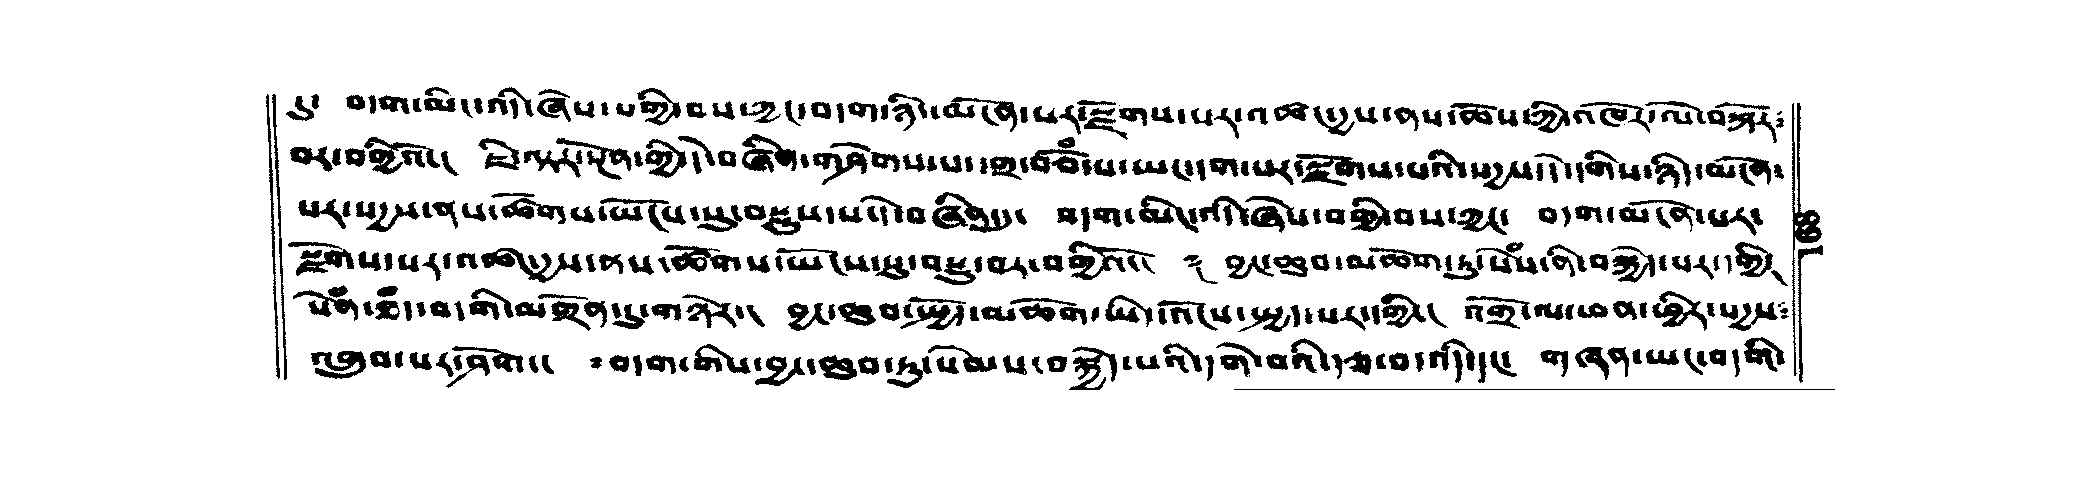དུ། བདག་མིང་འདི་ཞེས་བགྱི་བས་ཀྱང་བདག་ཉི་མངོན་པར་རྫོགས་པར་འཚང་རྒྱས་ནས་ཆོས་ཀྱི་འཁོར་ལོ་བསྐོར་
བར་བགྱིའོ། ཇི་ལྟར་སྔོན་གྱི་དེ་བཞིན་གཤེགས་པ་དགྲ་བཙོམ་པ་ཡང་དག་པར་རྫོགས་པའི་སངས་རྒྱས་དེ་དག་གིས་ཉིད་མངོན་
པར་སངས་རྒྱས་ནས་ཚོགས་ཡོངས་སུ་བསྡུས་པ་དེ་བཞིན་དུ། བདག་མིང་འདི་ཞེས་བགྱི་བས་ཀྱང་། བདག་མངོན་པར་
རྫོགས་པར་འཚང་རྒྱས་ནས་ཚོགས་ཡོངས་སུ་བསྡུ་བར་བགྱིའོ། ༈ བྱང་ཆུབ་མཆོག་ཏུ་སེམས་ནི་བསྐྱེད་པར་དགྱི། 
སེམས་ཅན་ཐམས་ཅད་བདག་གི་མགྲོན་དུ་གཉེར། བྱང་ཆུབ་སྤྱོད་མཆོག་ཡིད་འོངས་སྤྱད་པར་དགྱི། འགྲོ་ལ་ཕན་ཕྱིར་སངས་རྒྱས་
འགྲུབ་པར་ཤོག བདག་གིས་བྱང་ཆུབ་ཏུ་སེམས་བསྐྱེད་པའི་དགེ་བའི་རྩ་བ་འདི་དང་། གཞན་ཡང་བདག་གི་